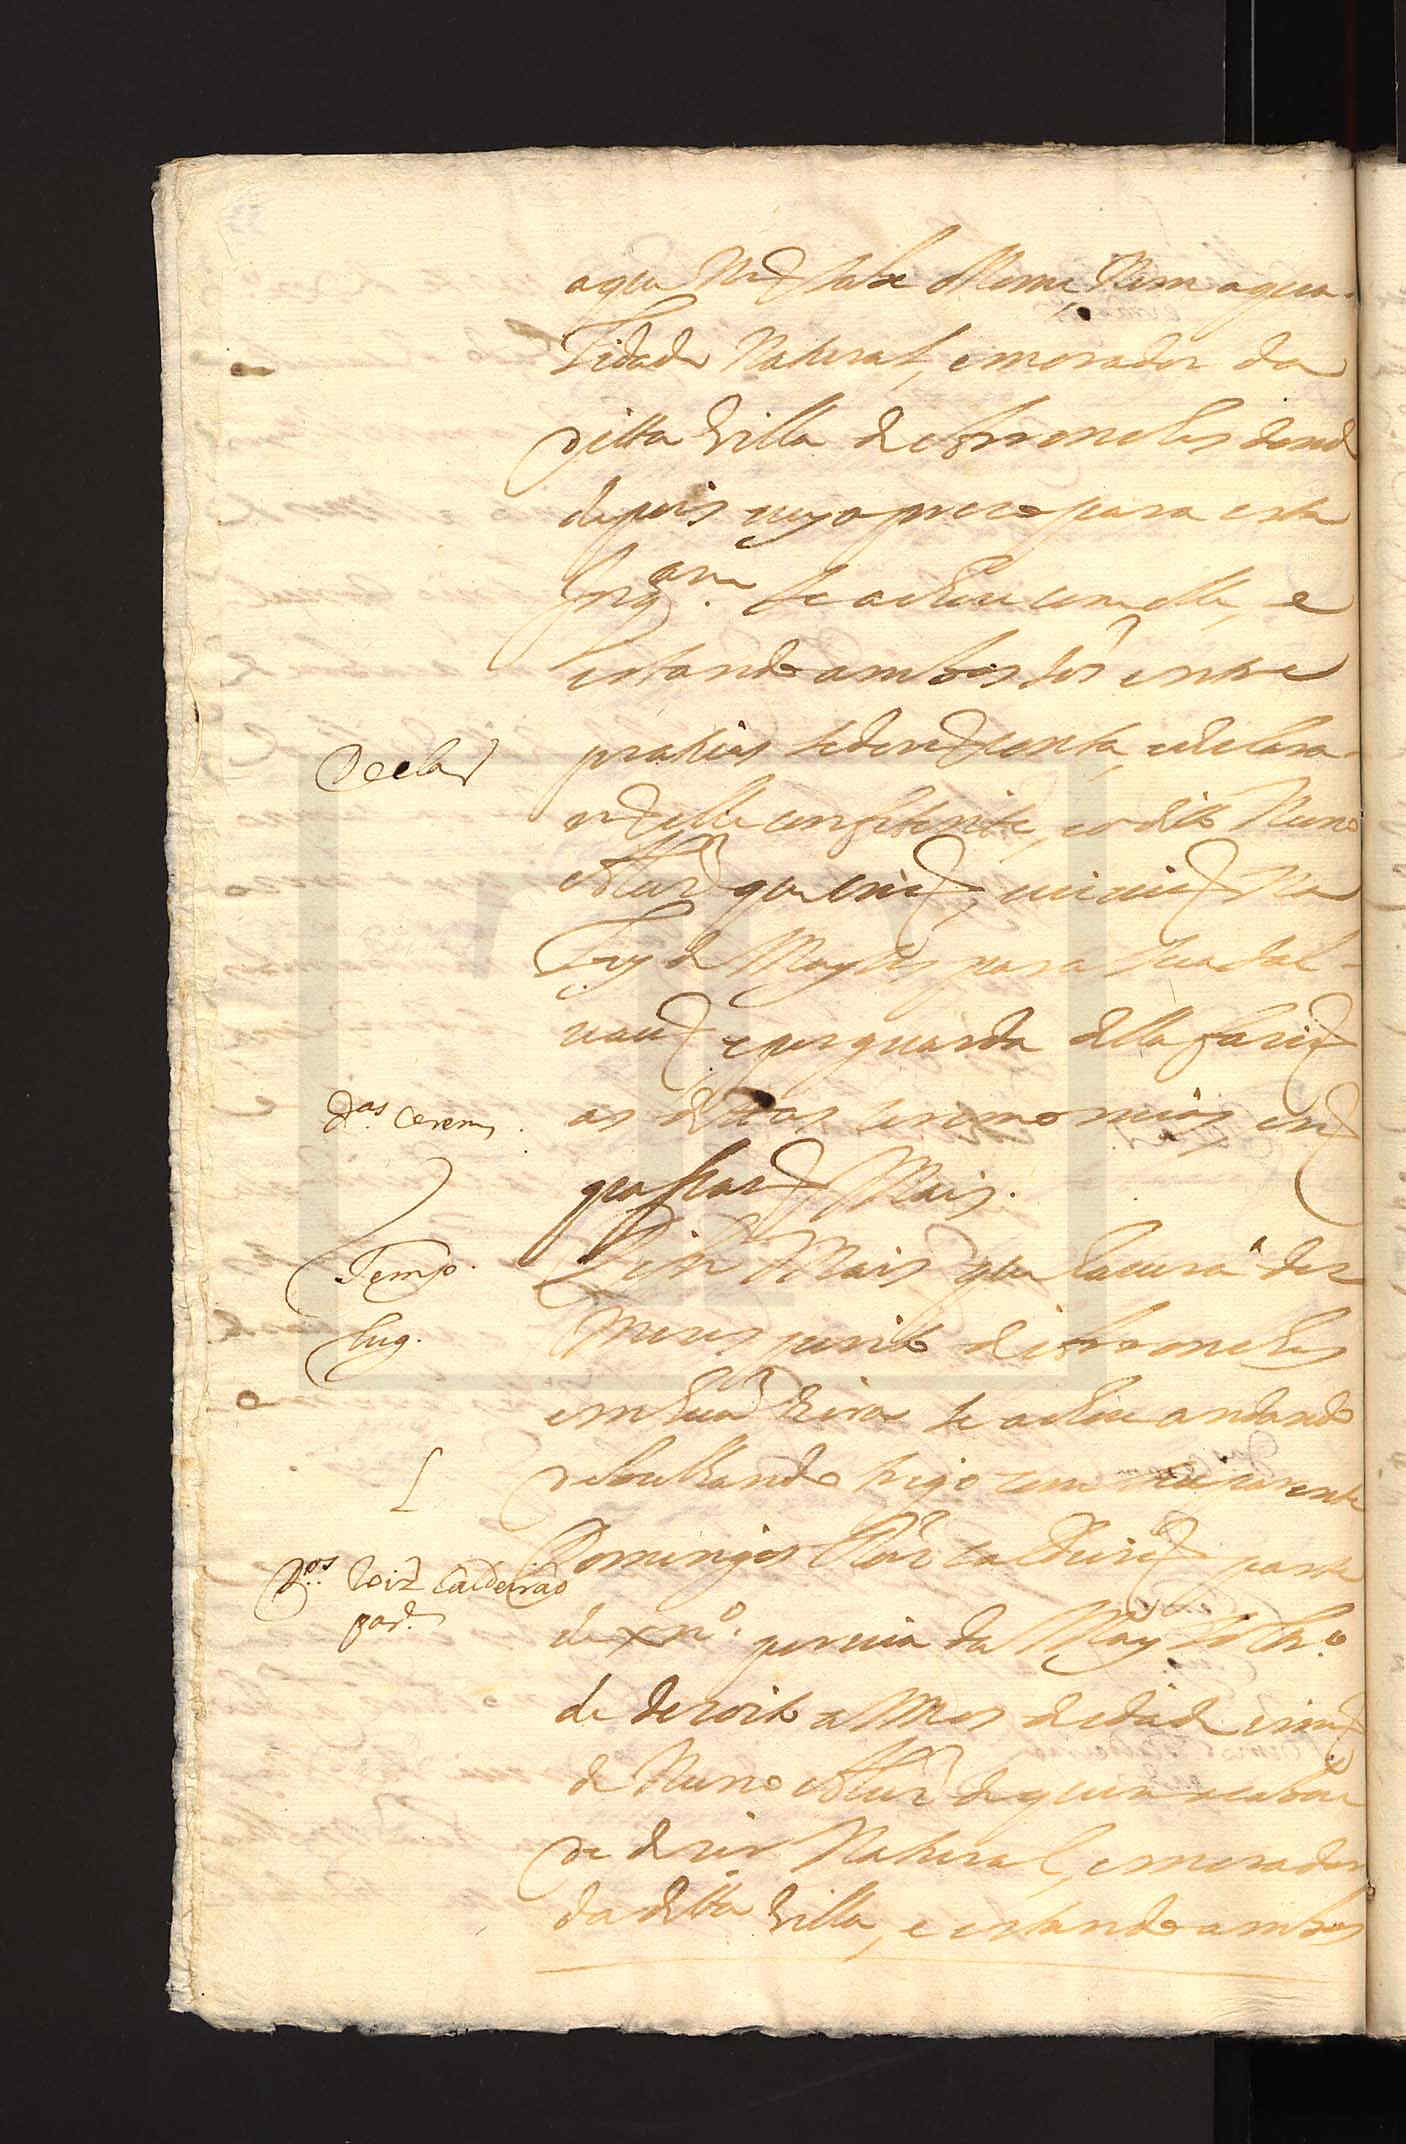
a que naõ sabe o Nome, Nem a qua
Lidade natural, e morador da
ditta Villa de Arronches donde
depois ueyo prezo para esta
Jnq.am se achou com elle e
estando ambos sós entre
praticas se derão conta, e declara
Declar
raõ elle confitente, e o dito Nuno
Aluz̄ que criaõ, uiuiaõ na
Ley de Moyzes para sua sal
uacaõ e por guarda della faziaõ
as dittas ceremonias e naõ
das. cerem
passarā Mais.
Temp.
Disse Mais que hauerá dez
Lug.
Mezes junto de Arronches
em huā Eira se achou andando
debulhando trigo com seu parente
Domingos Roiz̄ caldeiraõ parte
D.os Roiz̄ Caldeiraõ
par.e
de x no. por uia da May soltr.o
de dezoito annos didade irmaõ
de Nuno Aluz̄ de quem acabou
de dizer natural, e morador
da ditta Villa, e estando ambos
